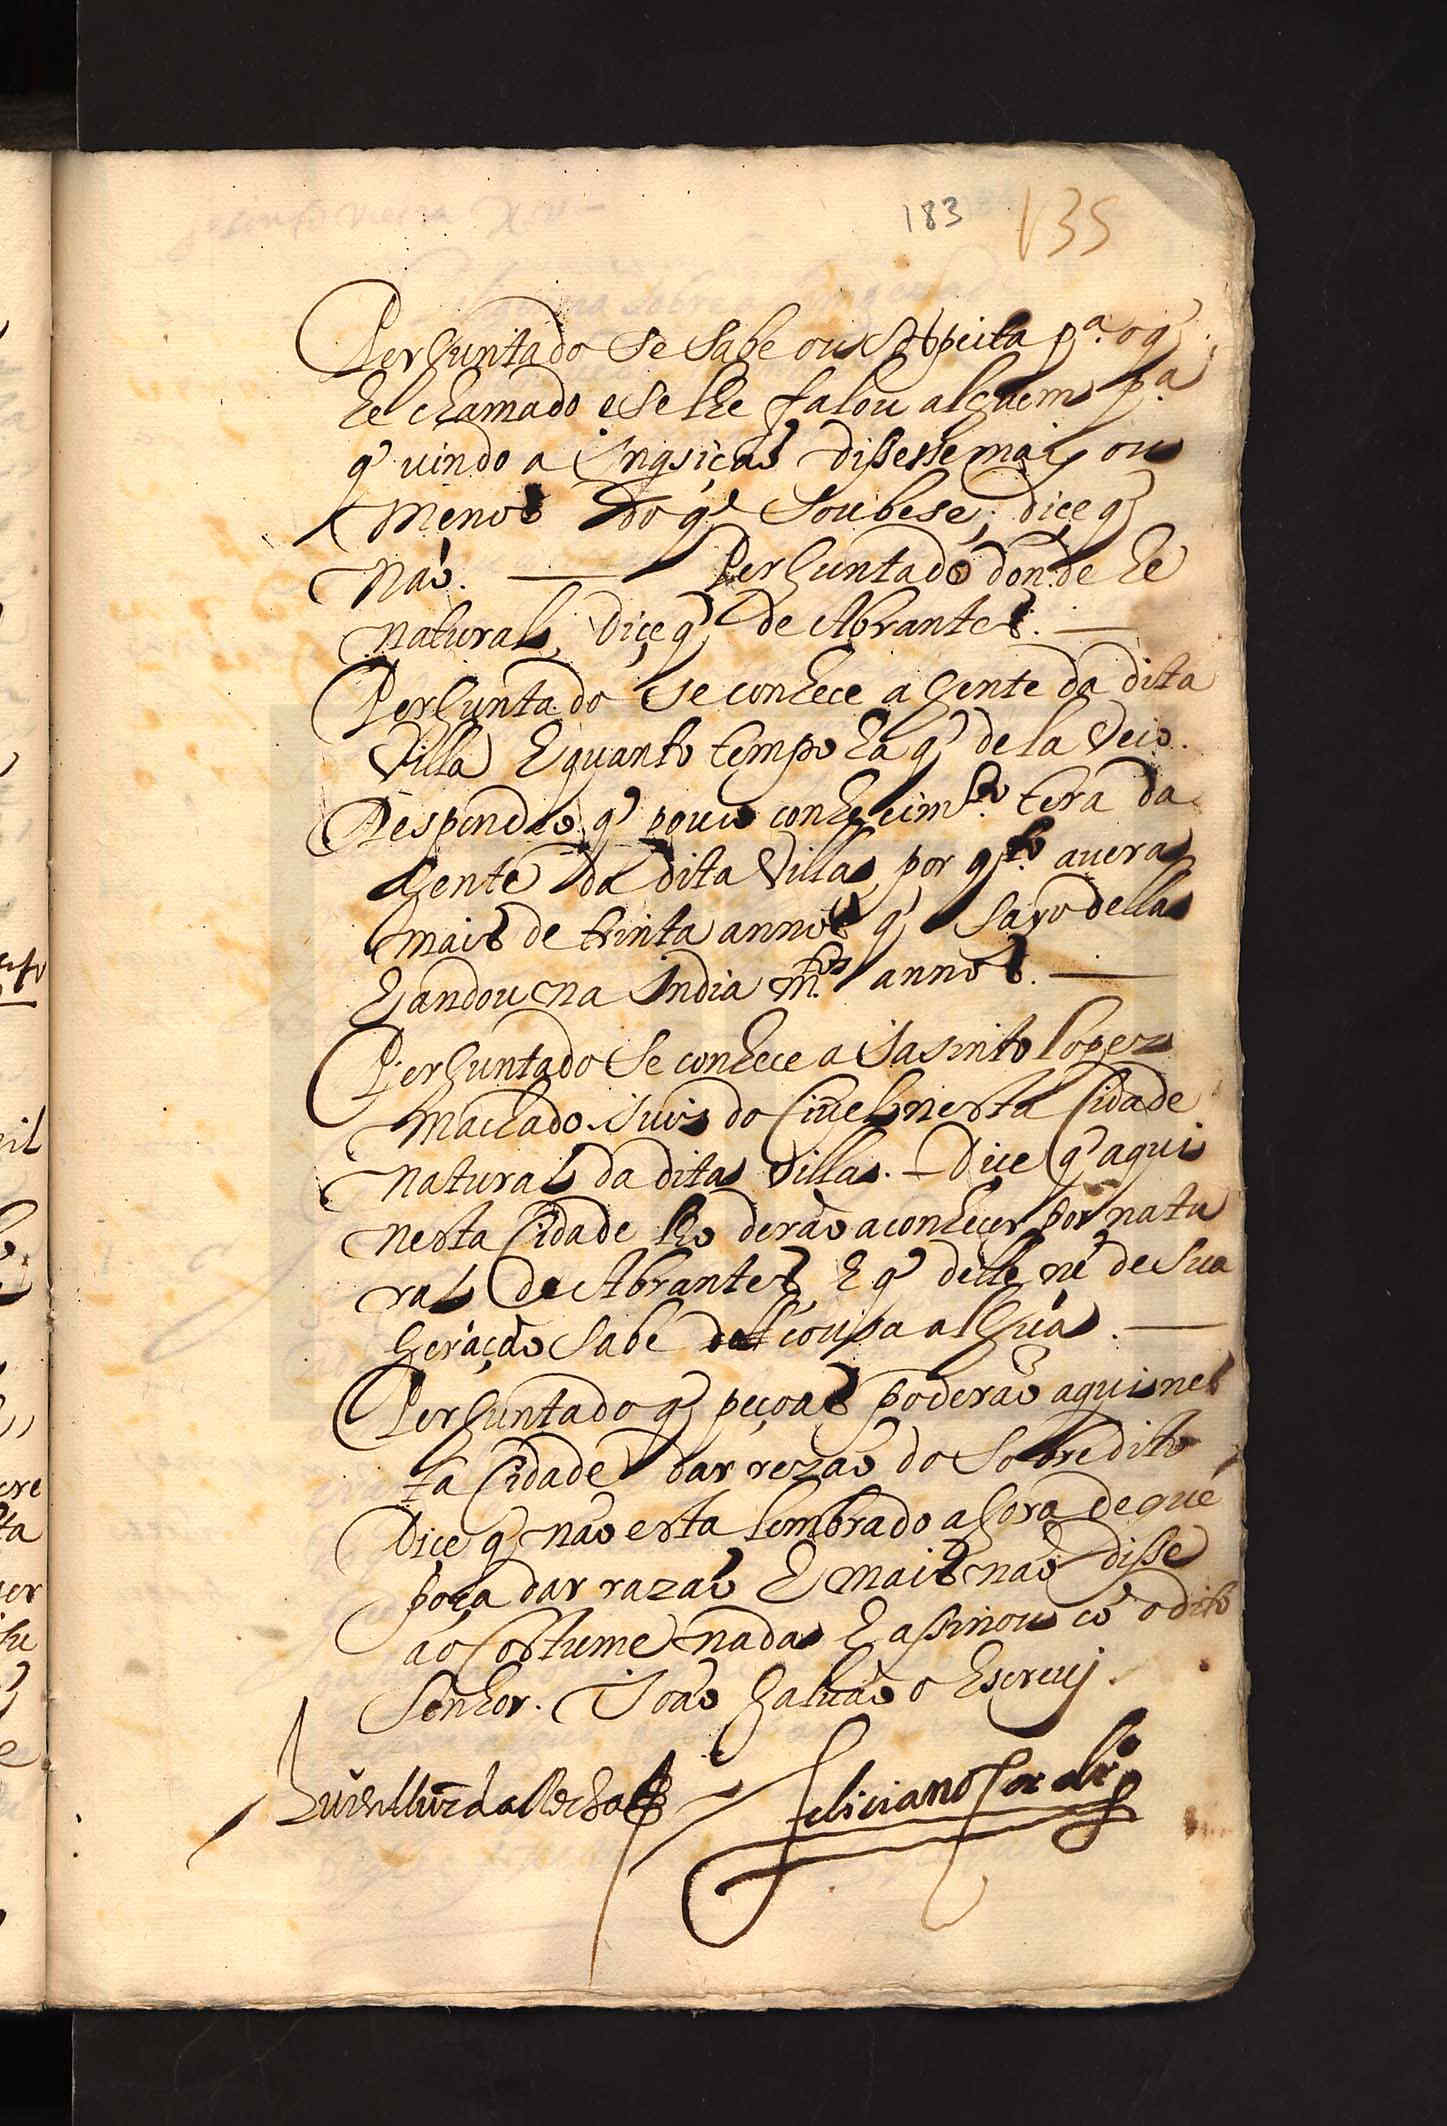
Perguntado se sabe ou sospeita p.a o q̄
he chamado e se lhe falou alguem p.a
q̄ uindo a Inq̄siçaõ dissesse mais ou
menos do q̄ soubese; dice q̄
naõ. – Perguntado donde he
naturaL, Dice q̄ de Abrantes.
Perguntado se conhece a gente da dita
Villa E quanto tempo ha q̄ de la veio
Respondeo q̄ pouco conhecim.to tera da
gente da dita Villa, por q.to auera
mais de trinta annos q̄ sayo della
E andou na India m.tos annos.
Perguntado se conhece a Iasinto Lopez
machado Iuiz do Ciuel nesta Cidade
natural da dita villa. – Dice q̄ aqui
nesta Cidade lho deraõ a conhecer por natu
ral de Abrantes E q̄ delle nē de sua
geração sabe dell cousa alguā.
Perguntado q̄ peçoas poderaõ aqui nes
ta Cidade dar rezaõ do sobredito
Dice q̄ naõ esta Lembrado agora de quē
poça dar razaõ E mais naõ disse
ao Costume nada E assinou cō o dito
senhor Ioão Galuão o Escreuj.
